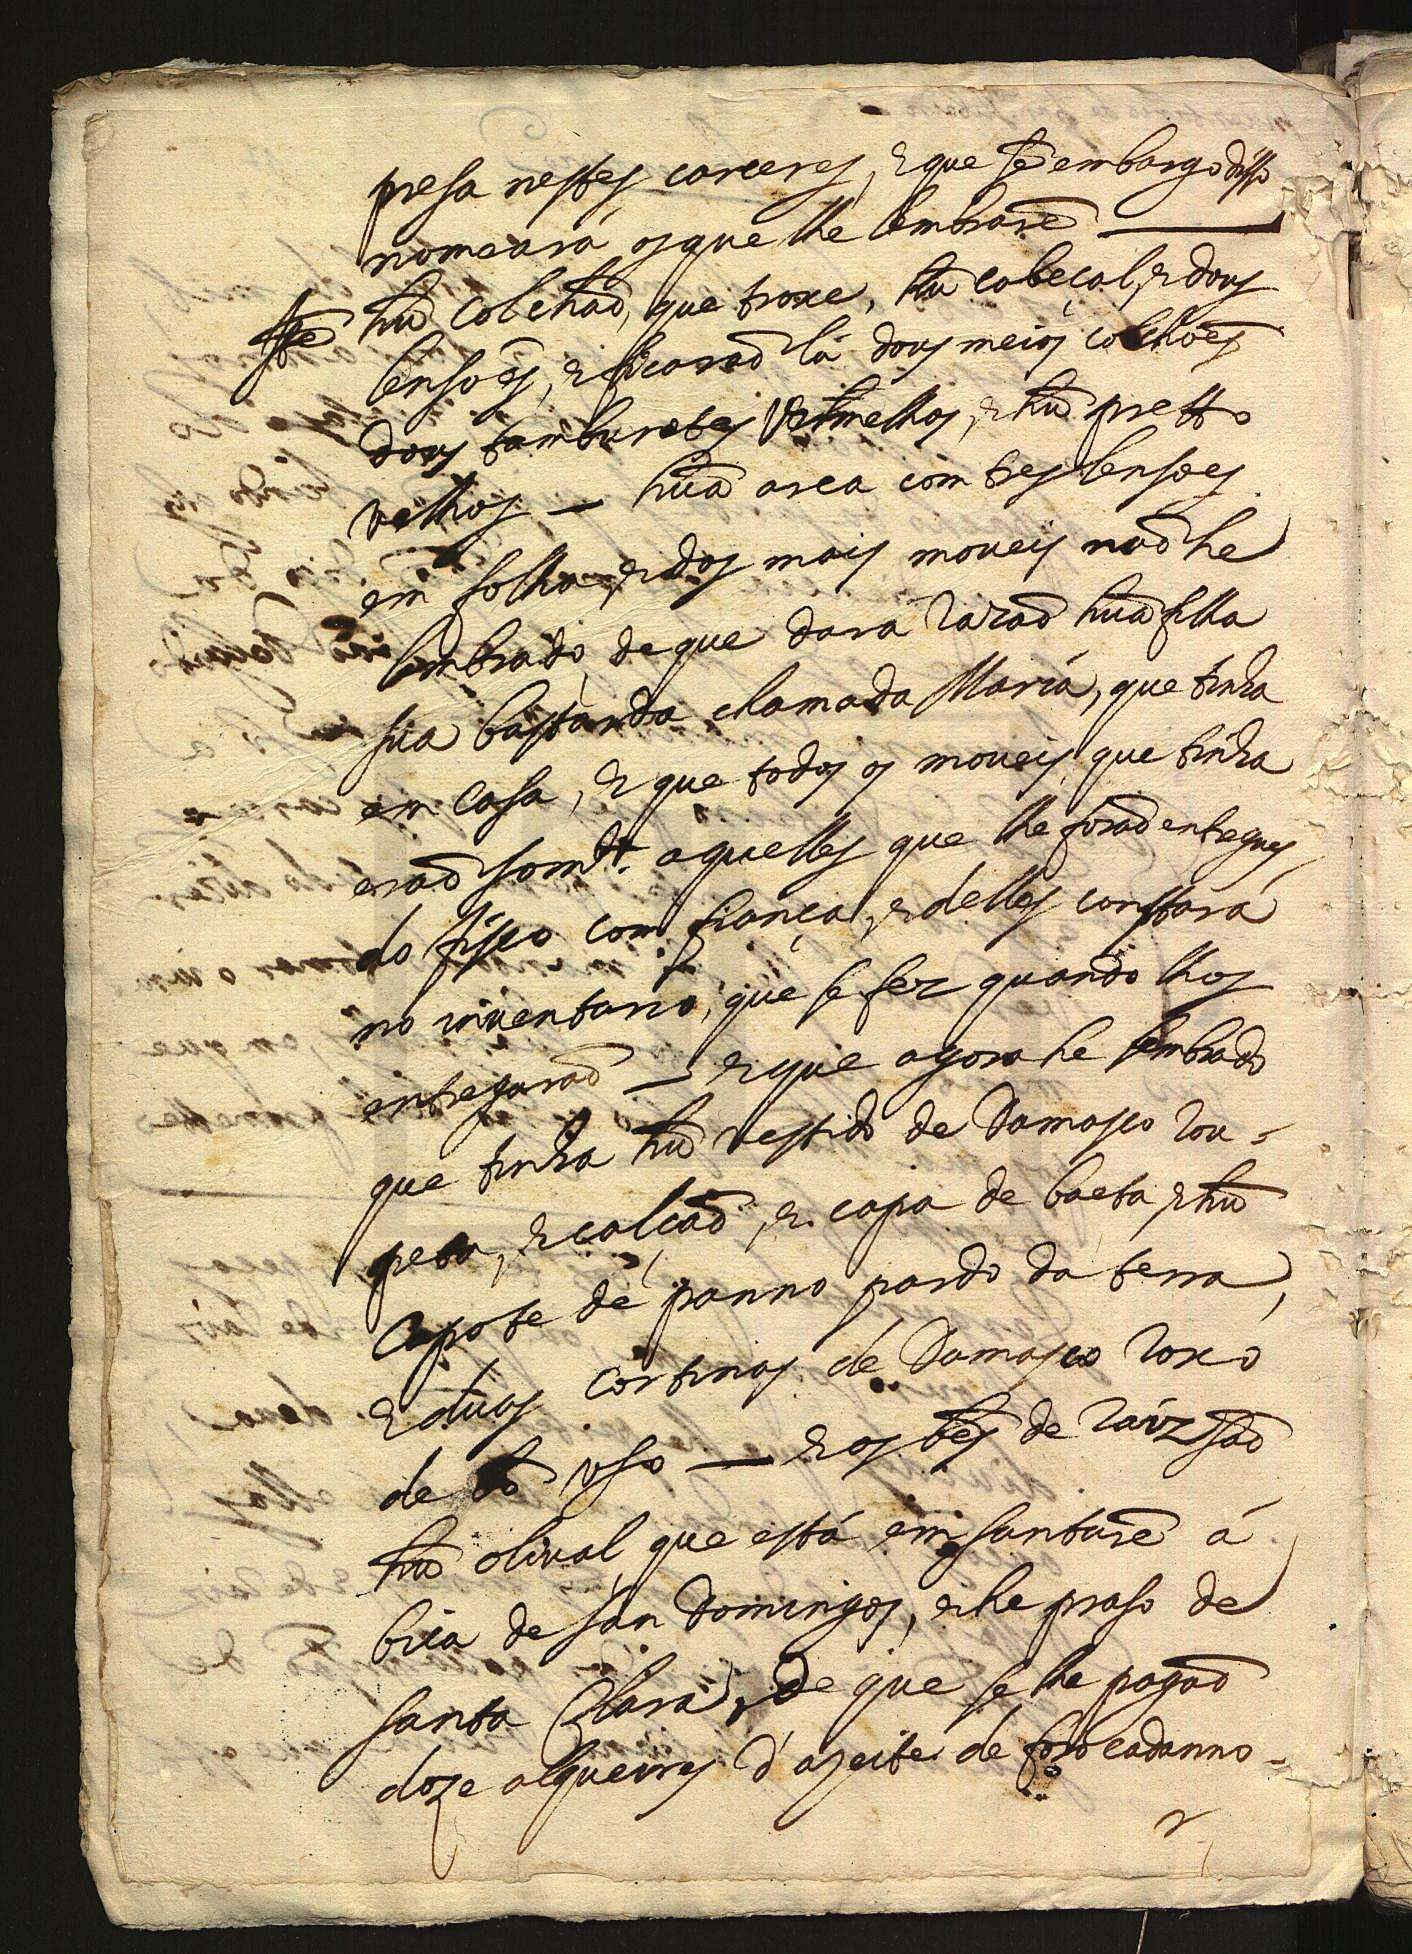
presa nestes carceres, E que sē embargo disso
nomeará os que lhe lembrarē
Jtē hū colchaõ, que troxe, hū cabeçal, E dous
lensoẽs, E ficaraõ lá dous meios colchoẽs
dous tamburetes vermelhos, E hū pretto
velhos - huā arca com tres lensoes
em folha, E dos mais moueis naõ he
lembrado, de que dará razão huā filha
sua bastarda chamada María, que tinha
em casa, E que todos os moueis, que tinha
eraõ somte. aquelles que lhe forão entregues
do fisco com fiança, e delles constará
no inuentario, que se fez quando lhos
entregaraõ - E que agora he lembrado
que tinha hū vestido de Damasco Rou
peta, E calçaõ, E capa de baeta, E hū
capote de panno pardo da terra,
E duas cortinas de Damasco Roxo
de _ vso - E os bēs de Raíz saõ
hū oliual, que está em santarē á
bica de san Domingos, E he praso de
santa Clara, de que se lhe pagão
doze alqueires d'azeite de foro cadanno
